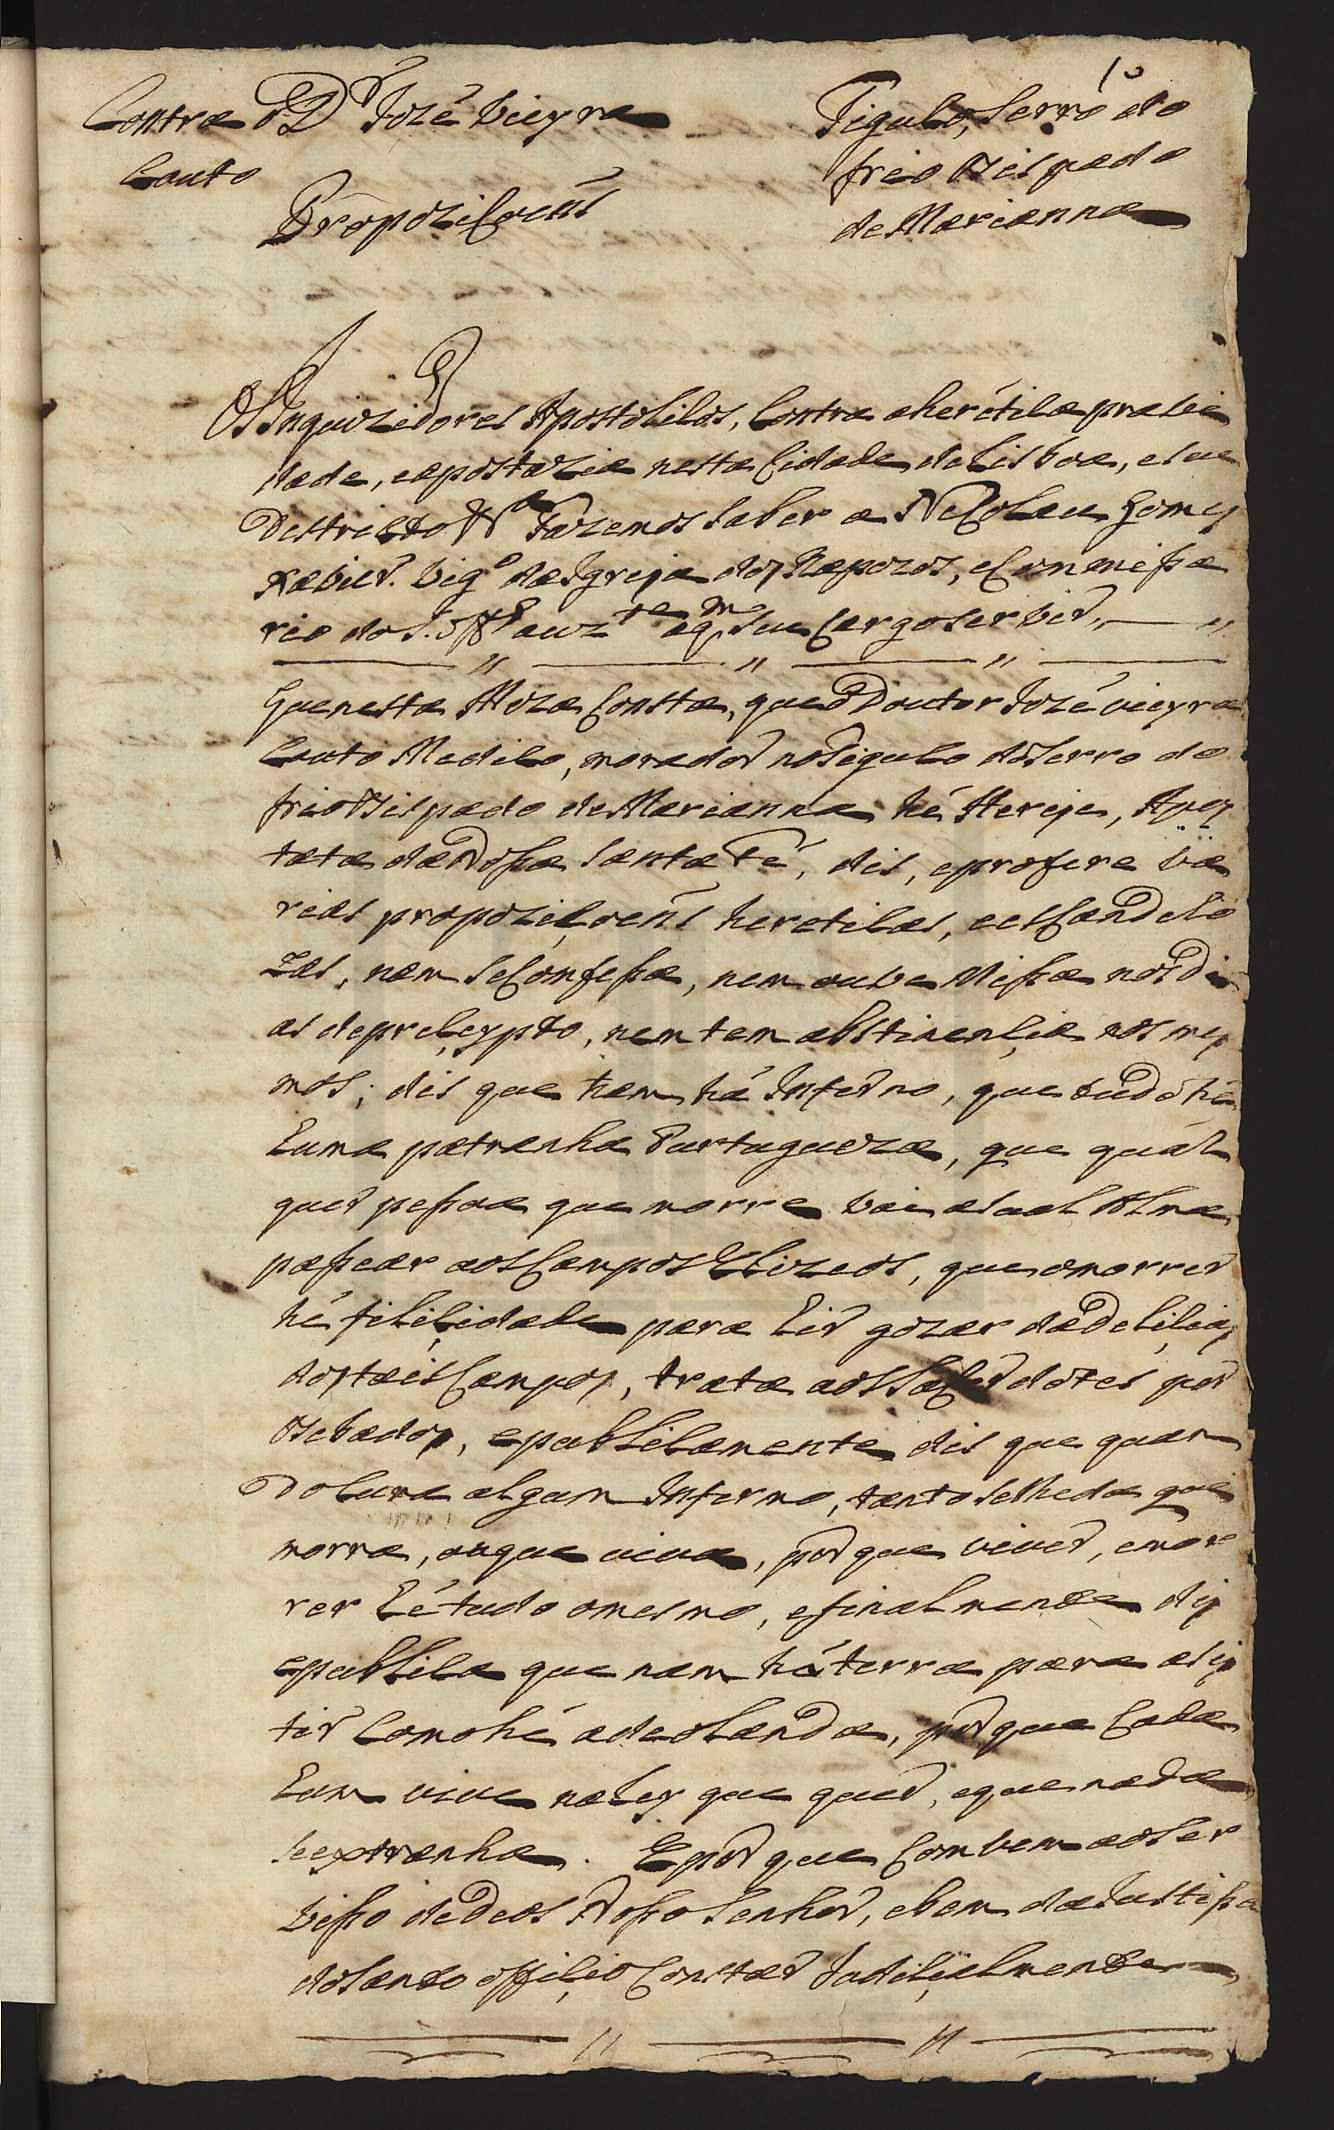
Contra o Dr Iozé Vieyra
Couto
PropoziCoen̄s
TiguCo, serro do
frio Bispado
de Marianna
Os Inquizidores Apostolicos, Contra a herética pravi
dade, e apostazia nesta Cidade de Lisboa, e seu
destricto &ra Fazemos saber a NeCoLau Gomes
xavier. vigo da Igreja dos Rapozos, e Commissa
rio do s. off.o auzte a qm seu Cargo servir
Que nesta Meza Consta, que o Doutor Iozé vieyra
Couto Medico, morador no TiguCo do serro do
frio Bispado de Marianna hé Hereje, Apos
tata da Nossa santa Fé, dis, e profere va
rias propoziçoeñs hereticas, e escandalo
zas, nam se Comfessa, nem ouve Missa nos di
as de preçeypto, nem tem abstinençia aos mes
mos; dis que nem há Inferno, que tudo hé
huma patranha Purtugueza, que qual
quer pessoa que morre vai a sual ALma
passear aos Campos Elizeos, que o morrer
hé fiLiçidade para hir gozar da deLiçias
Aos tais Campos, trata aos SaCerdotes por
Bebados, e pubLicamente dis que quan
do Cura algum Infermo, tanto se lhe da que
morra, ou que viva, porque viver, e mor
rer hé tudo o mesmo, e finalmente dis
e pubLica que nam há terra para asis
tir como hé a de oLanda, porque Cada
hum vive na Ley que quer, e que nada
se extranha. E por que Comvem ao ser
visso de deos Nosso Senhor, e bem da Iustissa
do Santo offiçio Constar JudiçiaLmente
